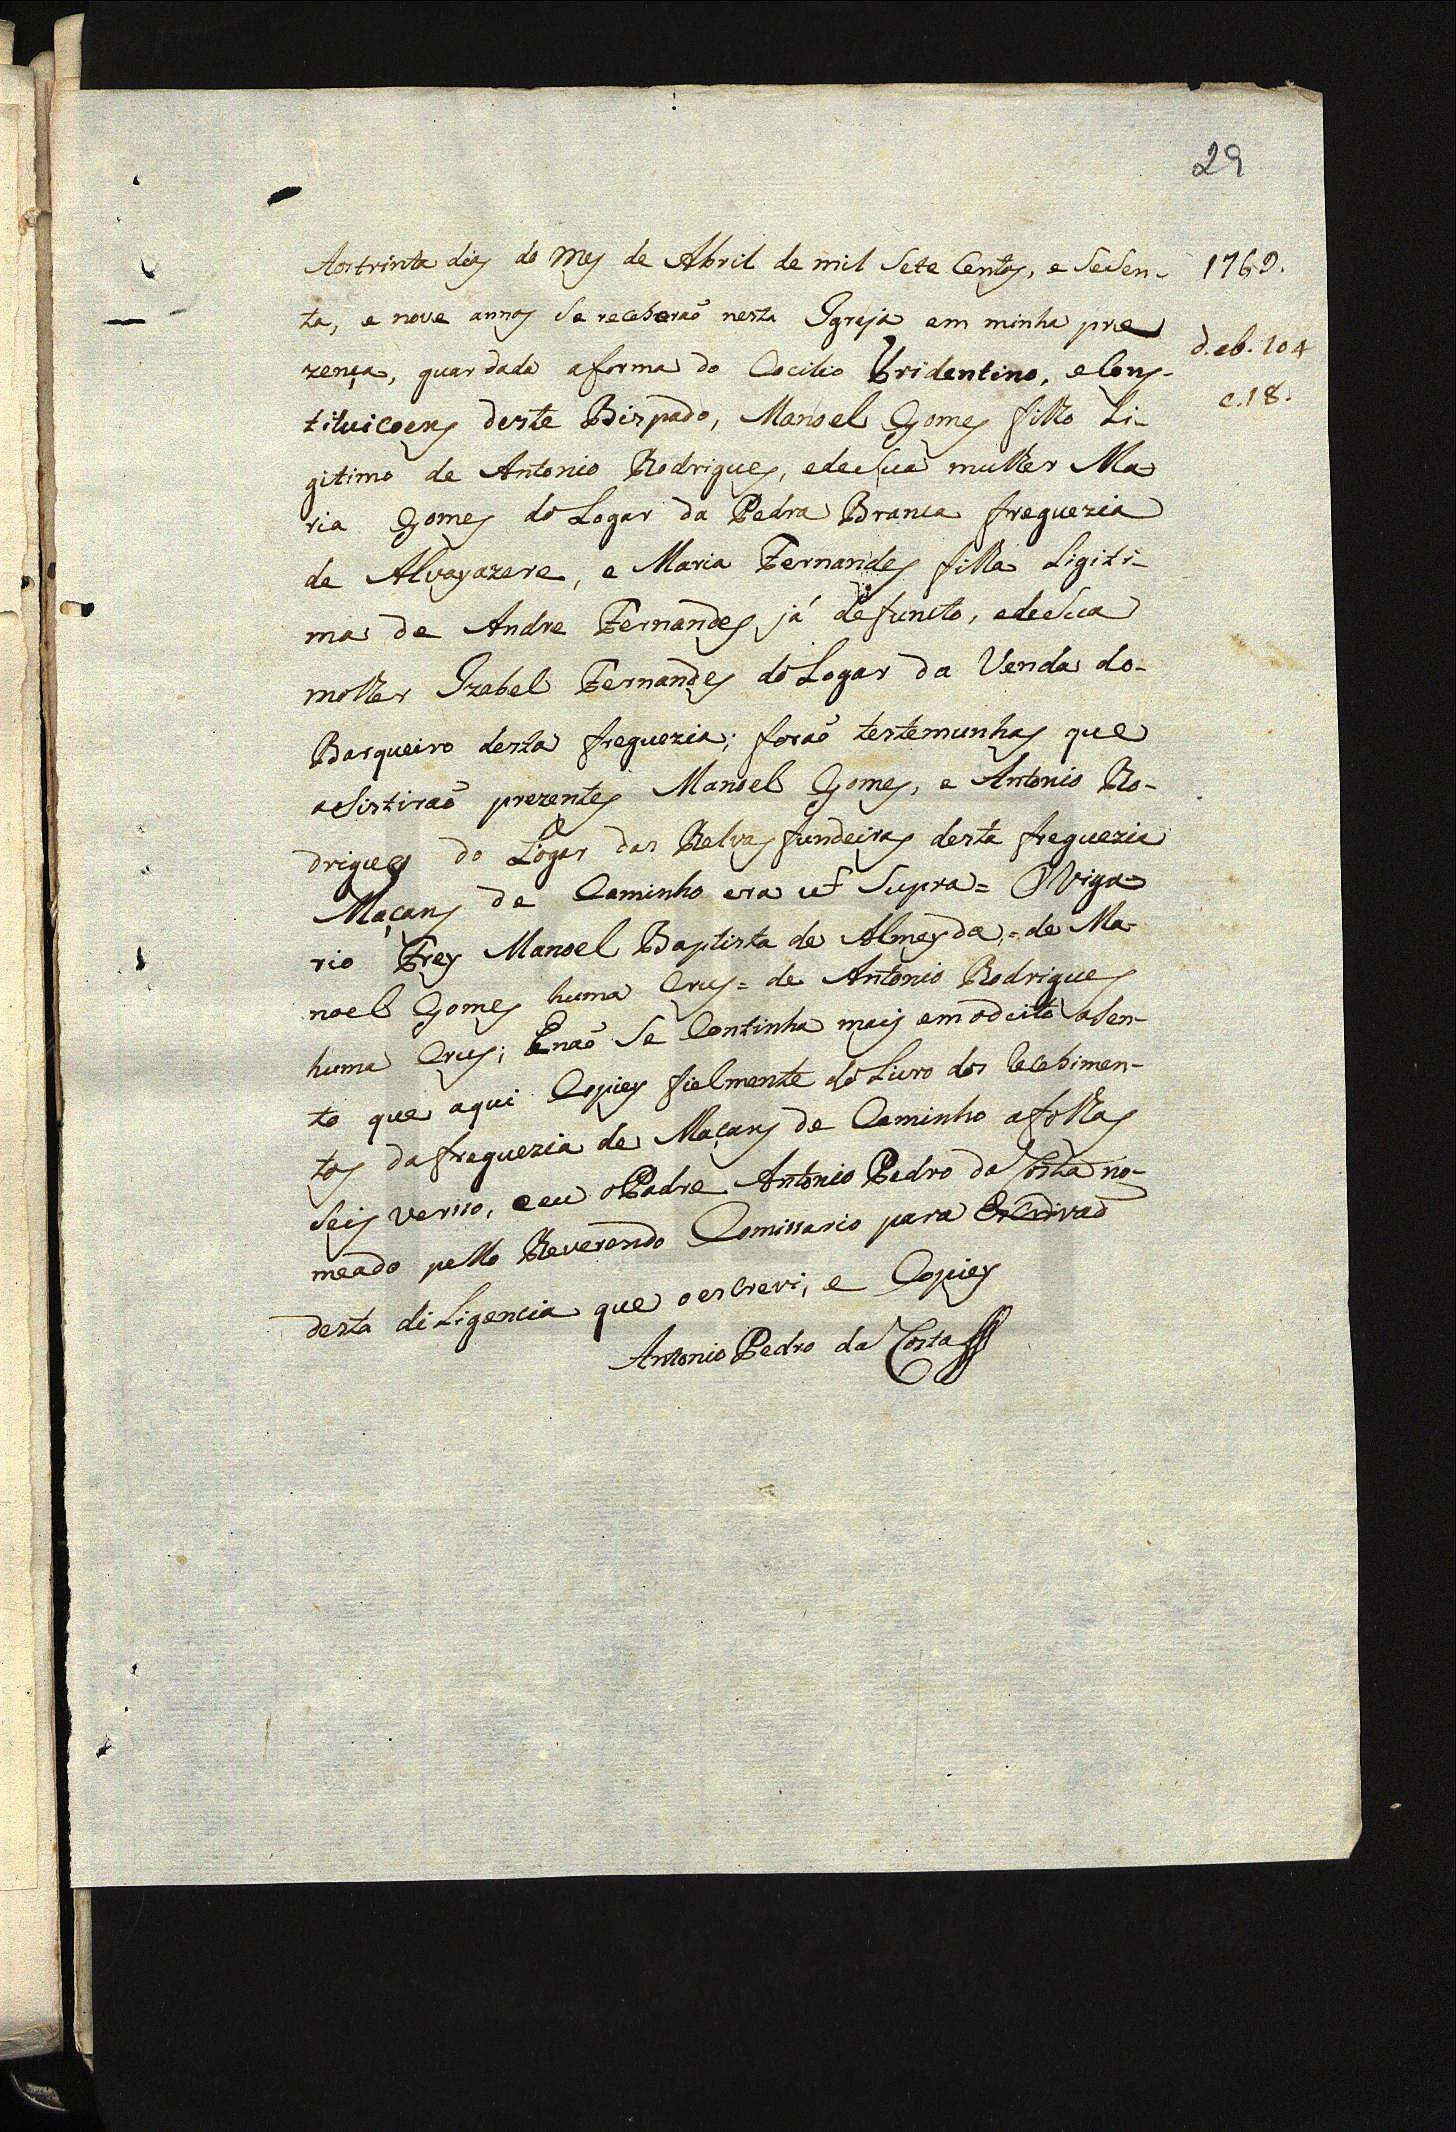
Aos trinta dias do mes de Abril de mil seteCentos, e sesen
ta, e nove annos se receberaõ nesta Igreja em minha pre
zença, guardada a forma do Cocilio Tridentino, e Cons
tituiçoens deste Bispado, Manoel Gomes filho Li
gitimo de Antonio Rodrigues, e de Sua mulher Ma
ria Gomes do Logar da Pedra Branca freguezia
de Alvayazere, e Maria Fernandes filha Ligiti
mas de Andre Fernandes já defuncto, e de Sua
molher Izabel Fernandes do Logar da Venda do
Barqueiro desta freguezia; foraõ testemunhas que
aSistiraõ prezentes Manoel Gomes, e Antonio Ro
drigues do Logar das Relvas fundeiras desta freguezia
Maçans de Caminho era ut Supra = O Viga
rio Frey Manoel Baptista de Almeyda, de Ma
noel Gomes huma Crus= de Antonio Rodrigues
huma Crus; E naõ se Continha mais em o deito asen
to que aqui Copiey fielmente do Livro dos Recebimen
tos da freguezia de Maçans de Caminho a folhas
seis versso, e eu o Padre Antonio Pedro da Costa no
meado pello Reverendo Comissario para Escrivaõ
desta diLigencia que o escrevi, e Copiey
Antonio Pedro da Costa
1769.
d.eb. 104
c.18.
